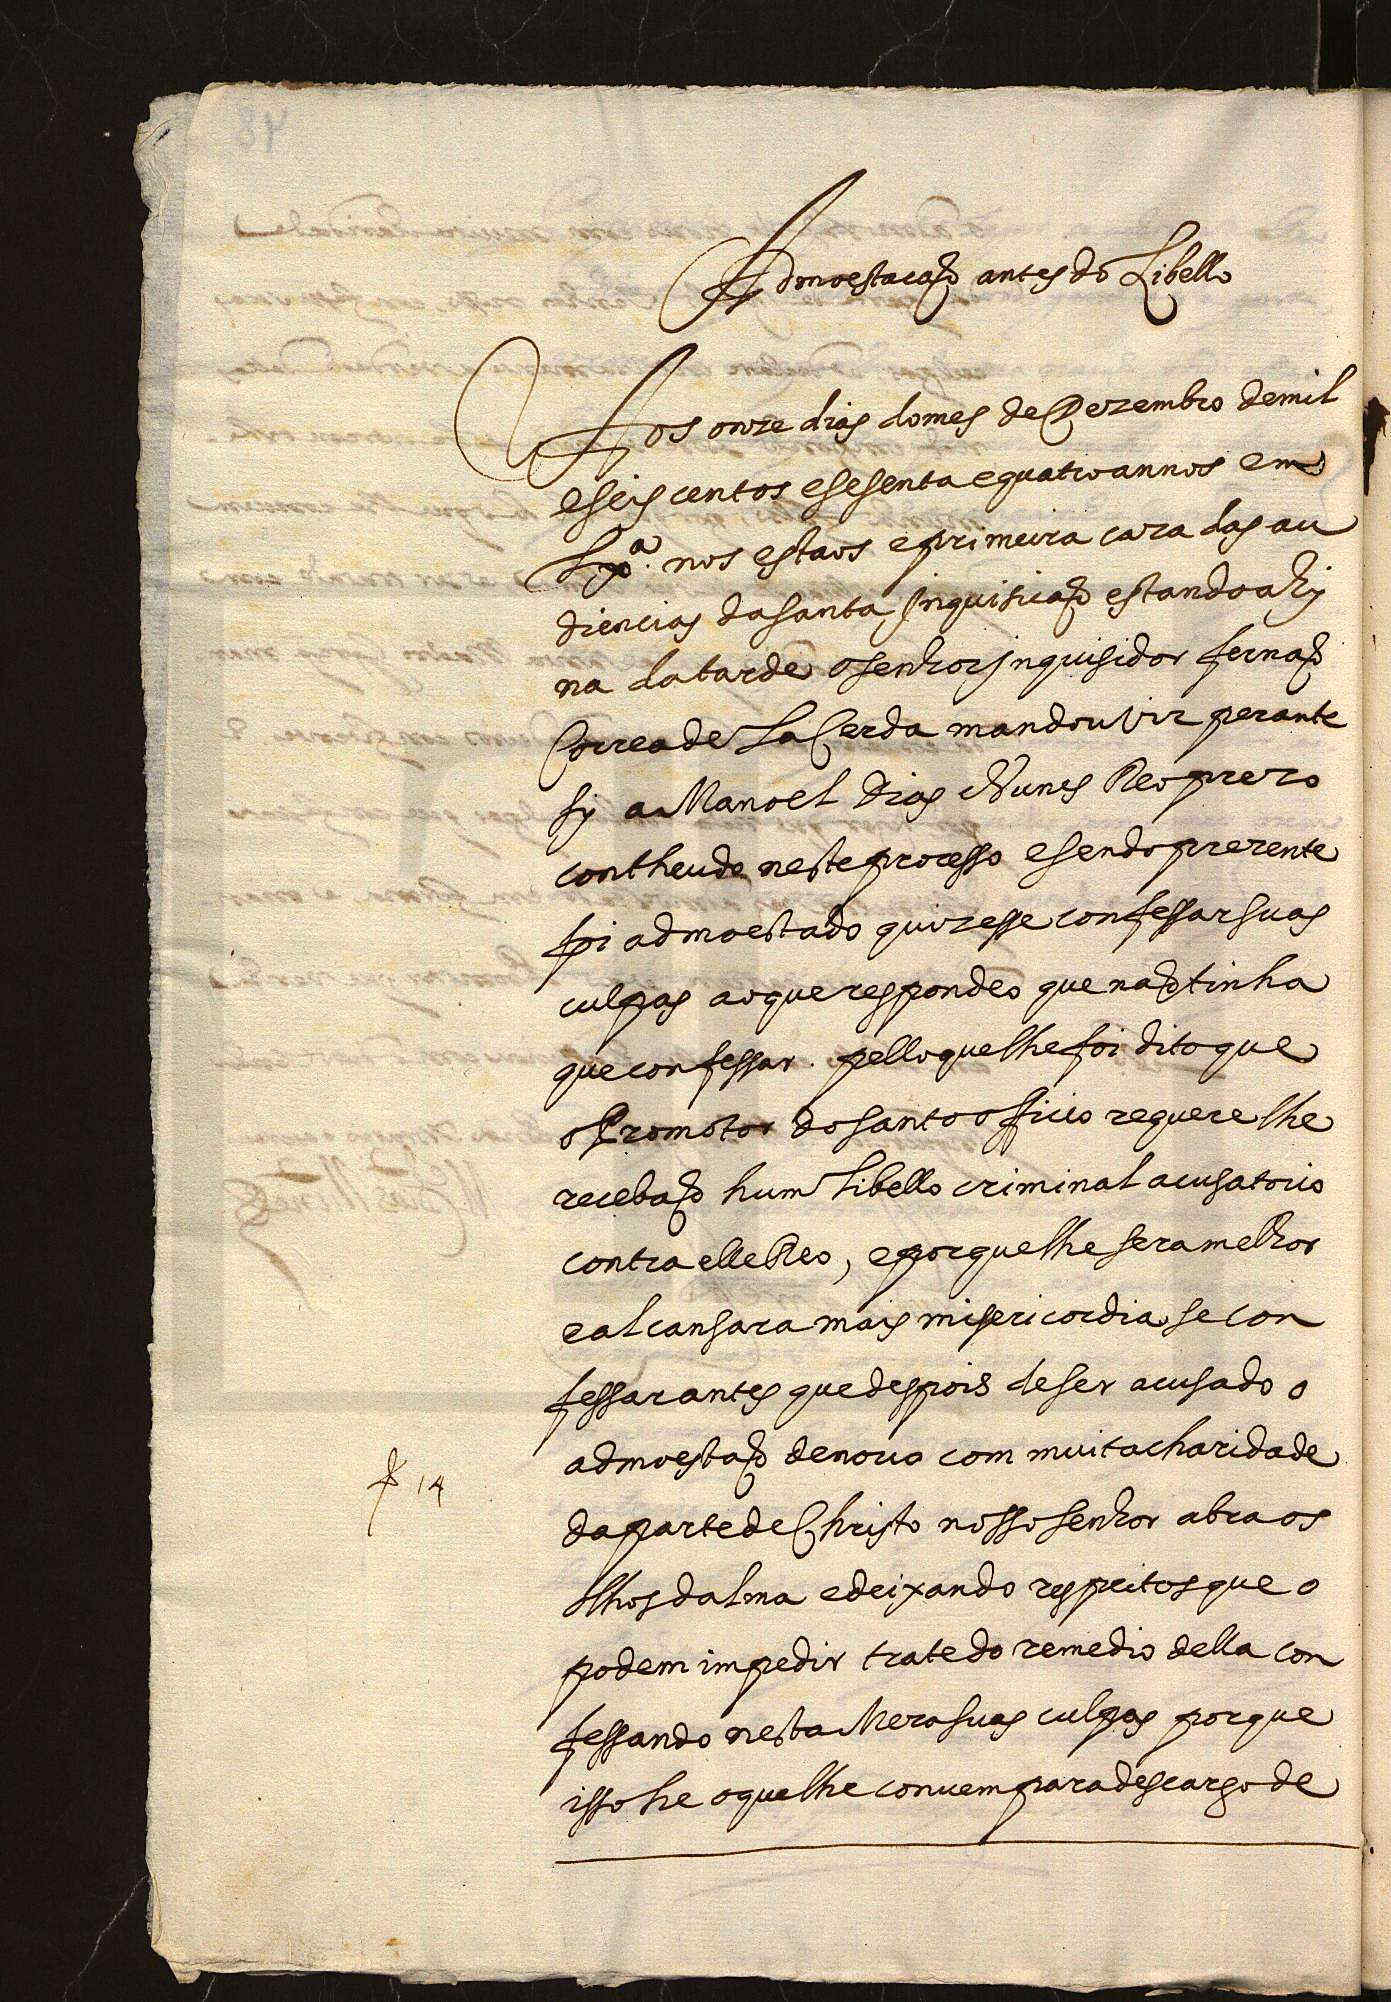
Admoestaçaõ antes do Libello
Aos onze dias do mes de Dezembro de mil
e seiscentos e sesenta e quatro annos em
Lx.a nos estaos e primeira caza das au
diencias da santa jnquisicaõ estando ahy
na da tarde o senhor jnquisidor fernaõ
Correa de LaCerda mandou vir perante
sy a Manoel Dias Nunes Reo prezo
contheudo neste processo e sendo prezente
foi admoestado quizesse confessar Suas
culpas ao que respondeo que naõ tinha
que confessar. pello que lhe foi dito que
o Promotor do santo officio requerelhe
recebaõ hum Libello criminal acusatorio
contra elle Reo, e porque lhe sera melhor
e alcansara mais misericordia se con
fessar antes que despois de ser acusado o
admoestaõ de nouo com muita charidade
ser 14
da parte de Christo nosso Senhor abra os
olhos dalma e deixando respeitos que o
podem impedir trate do remedio della con
fessando nesta Meza suas culpas porque
isso he o que lhe conuem para descargo de
